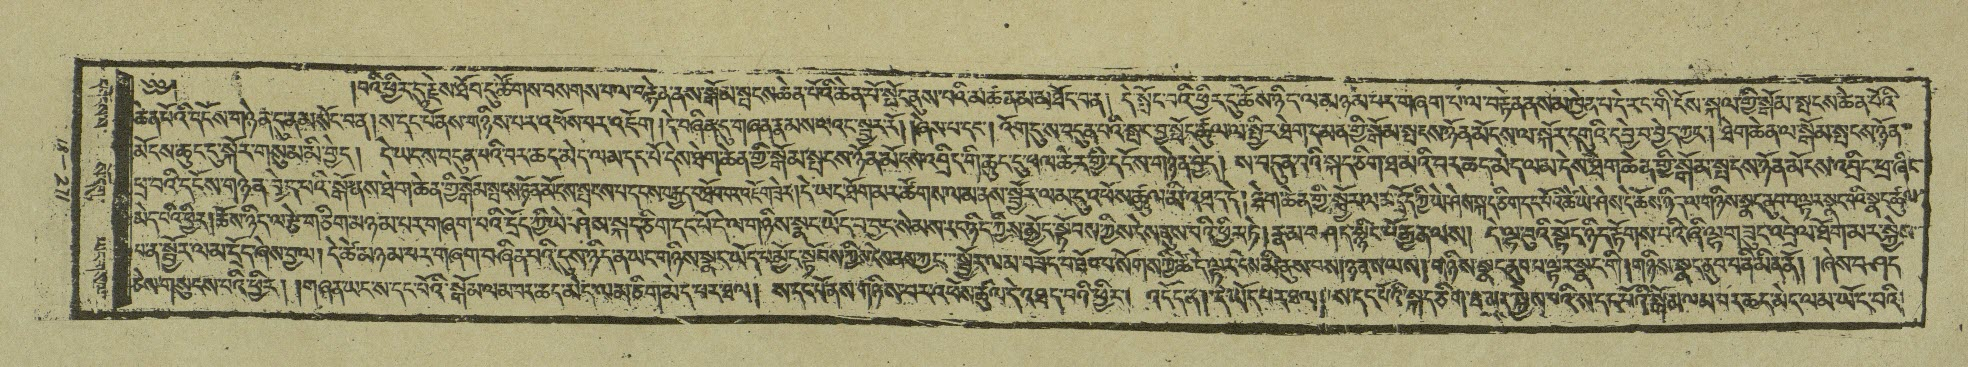༄༅། །བའི་ཕྱིར་དུ་རྗེས་ཐོབ་དུ་ཚོགས་བསགས་པ་ལ་བརྟེན་ནས་སྒོམ་སྤངས་ཆེན་པོའི་ཆེན་པོ་སྤོང་ནུས་པའི་མཚན་མ་མཐོང་བ་ན། དེ་སྤོང་བའི་ཕྱིར་དུ་ཆོས་ཉིད་ལ་མཉམ་པར་གཞག་པ་ལ་བརྟེན་ནས་མཁྱེན་པ་དེ་རང་གི་ངོས་སྐལ་གྱི་སྒོམ་སྤངས་ཆེན་པོའི་
ཆེན་པོའི་དངོས་གཉེན་དུ་ནམ་སོང་བ་ན། ས་དང་པོ་ནས་གཉིས་པར་འཕོས་པར་འཇོག །དེ་བཞིན་དུ་གཞན་རྣམས་ལའང་སྦྱར་རོ། །ཞེས་པ་དང་། འོག་དུ་ས་བདུན་པའི་སྤང་བྱ་སྤོང་ཚུལ་ལ་སྤྱིར་ཐེག་དམན་གྱི་སྒོམ་སྤངས་ཉོན་མོངས་ལ་སྐོར་དགུའི་དབྱེ་བ་བྱེད་ཀྱང་། ཐེག་ཆེན་ལ་སྒོམ་སྤངས་ཉོན་
མོངས་ཆུང་ངུ་སྐོར་གསུམ་མི་བྱེད། དེ་ཡང་ས་བདུན་པའི་བར་ཆད་མེད་ལམ་དང་པོ་དེས་ཐེག་ཆེན་གྱི་སྒོམ་སྤངས་ཉོན་མོངས་འབྲིང་གི་ཆུང་དུ་ཕལ་ཆེར་གྱི་དངོས་གཉེན་བྱེད། ས་བདུན་པའི་སྐད་ཅིག་ཐ་མའི་བར་ཆད་མེད་ལམ་དེས་ཐེག་ཆེན་གྱི་སྒོམ་སྤངས་ཉོན་མོངས་འབྲིང་ཕྲ་ཞིང་
ཕྲ་བའི་དངོས་གཉེན་བྱེད་པའི་སྒོ་ནས་ཐེག་ཆེན་གྱི་སྒོམ་སྤངས་ཉོན་མོངས་སྤངས་པ་དང་ས་བརྒྱད་པ་ཐོབ་པར་འཇོག་ཟེར། དེ་ཡང་ཐོག་མར་ཚོགས་ལམ་ནས་སྦྱོར་ལམ་དུ་འཕོས་ཚུལ་མི་འཐད་དེ། ཐེག་ཆེན་གྱི་སྦྱོར་ལམ་དྲོད་ཀྱི་ཡེ་ཤེས་སྐད་ཅིག་དང་པོའི་ཚེ་ཡེ་ཤེས་དེ་ཆོས་ཉིད་ལ་གཉིས་སྣང་ནུབ་པ་ལྟར་སྣང་བའི་སྣང་ཚུལ་
མེད་པའི་ཕྱིར། ཆོས་ཉིད་ལ་རྩེ་གཅིག་མཉམ་པར་གཞག་པའི་དྲོད་ཀྱི་ཡེ་ཤེས་སྐད་ཅིག་དང་པོ་དེ་ལ་གཉིས་སྣང་ཡོད་པ་བྱང་སེམས་རང་ཉིད་ཀྱིས་མྱོང་སྟོབས་ཀྱིས་དེས་ནུས་པའི་ཕྱིར་ཏེ། རྣམ་བཤད་སྙིང་པོ་རྒྱན་ལས། དེ་ལྟ་བུའི་སྟོང་ཉིད་རྟོགས་པའི་ཞི་ལྷ་གཟུང་འབྲེལ་ཐོག་མར་སྐྱེས་
པ་ན་སྦྱོར་ལམ་དྲོད་ཞེས་བྱ་ལ། དེ་ཚེ་མཉམ་པར་གཞག་བཞིན་པའི་དུས་ཉིད་ན་ཡང་གཉིས་སྣང་ཡོད་པ་མྱོང་སྟོབས་ཀྱིས་དེས་ནུས་ཀྱང་སྦྱོར་ལམ་བཟོད་པ་ཐོབ་པ་སོགས་ཀྱི་ཚེ་དེ་ལྟར་ངེས་མི་ནུས་པས། ཉན་ས་ལས། གཉིས་སྣང་ནུབ་པ་ལྟར་སྣང་གི །གཉིས་སྣང་ནུབ་པ་ནི་མིན་ནོ། །ཞེས་བཤད།
ཅེས་གསུངས་པའི་ཕྱིར། །གཞན་ཡང་ས་དང་པོའི་སྒོམ་ལམ་བར་ཆད་མེད་ལམ་ཅིག་མེད་པར་ཐལ། ས་དང་པོ་ནས་གཉིས་པར་འཕོས་ཚུལ་དེ་འཐད་པའི་ཕྱིར། འདོད་ན། དེ་ཡོད་པར་ཐལ། ས་དང་པོའི་སྐད་ཅིག་ཐ་མར་སྐྱེས་པའི་ས་དང་པོའི་སྒོམ་ལམ་བར་ཆད་མེད་ལམ་ཡོད་པའི་